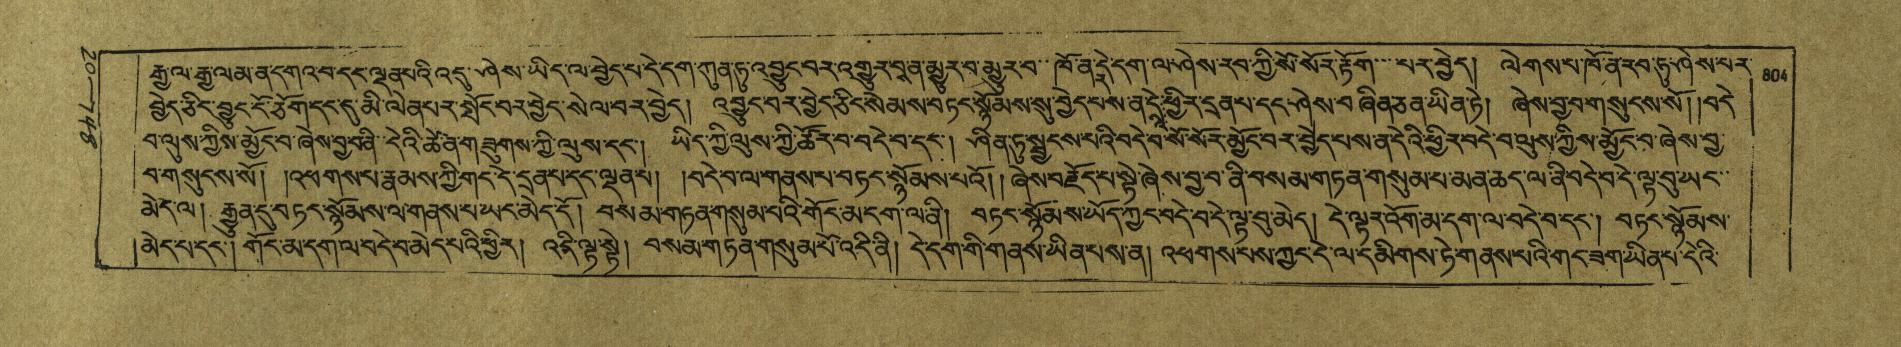རྒྱ་ལ་རྒྱ་ལམ་ན་དགའ་བ་དང་ལྡན་པའི་འདུ་ཤེས་ཡིད་ལ་བྱེད་པ་དེ་དག་ཀུན་ཏུ་འབྱུང་བར་འགྱུར་བས་ན་མྱུར་བ་མྱུར་བ་ཁོ་ནར་དེ་དག་ལ་ཤེས་རབ་ཀྱི་སོ་སོར་རྟོག་པར་བྱེད། ལེགས་པ་ཁོ་ན་རབ་ཏུ་ཤེས་པར་
བྱེད་ཅིང་བྱུང་ངོ་ཅོག་དང་དུ་མི་ལེན་པར་སྤོང་བར་བྱེད་སེལ་བར་བྱེད། འབྱུང་བར་བྱེད་ཅིང་སེམས་བཏང་སྙོམས་སུ་བྱེད་པས་ན་དེའི་ཕྱིར་དྲན་པ་དང་ཤེས་བཞིན་ཅན་ཡིན་ཏེ། ཞེས་བྱ་བ་གསུངས་སོ། །བདེ་
བ་ལུས་ཀྱིས་མྱོང་བ་ཞེས་བྱ་བ་ནི་དེའི་ཚེ་ན་གཟུགས་ཀྱི་ལུས་དང་། ཡིད་ཀྱི་ལུས་ཀྱི་ཚོར་བ་བདེ་བ་དང་། ཤིན་ཏུ་སྦྱངས་པའི་བདེ་བ་སོ་སོར་མྱོང་བར་བྱེད་པས་ན་དེའི་ཕྱིར་བདེ་བ་ལུས་ཀྱིས་མྱོང་བ་ཞེས་བྱ་
བ་གསུངས་སོ། །འཕགས་པ་རྣམས་ཀྱི་གང་དེ་དྲན་པ་དང་ལྡན་པ། །བདེ་བ་ལ་གནས་པ་བཏང་སྙོམས་པའོ། །ཞེས་བརྗོད་པ་སྟེ་ཞེས་བྱ་བ་ནི་བསམ་གཏན་གསུམ་པ་མན་ཆད་ལ་ནི་བདེ་བ་དེ་ལྟ་བུ་ཡང་
མེད་ལ། རྒྱུན་དུ་བཏང་སྙོམས་ལ་གནས་པ་ཡང་མེད་དོ། །བསམ་གཏན་གསུམ་པའི་གོང་མ་ངག་ལ་ནི། བཏང་སྙོམས་ཡོད་ཀྱང་བདེ་བ་དེ་ལྟ་བུ་མེད། དེ་ལྟར་འོག་མ་དག་ལ་བདེ་བ་དང་། བཏང་སྙོམས་
མེད་པ་དང་། གོང་མ་དག་ལ་བདེ་བ་མེད་པའི་ཕྱིར། འདི་ལྟ་སྟེ། བསམ་གཏན་གསུམ་པོ་འདི་ནི། དེ་དག་གི་གནས་ཡིན་པས་ན། འཕགས་པས་ཀྱང་དེ་ལ་དམིགས་ཏེ་གནས་པའི་གང་ཟག་ཡིན་པ་དེའི་